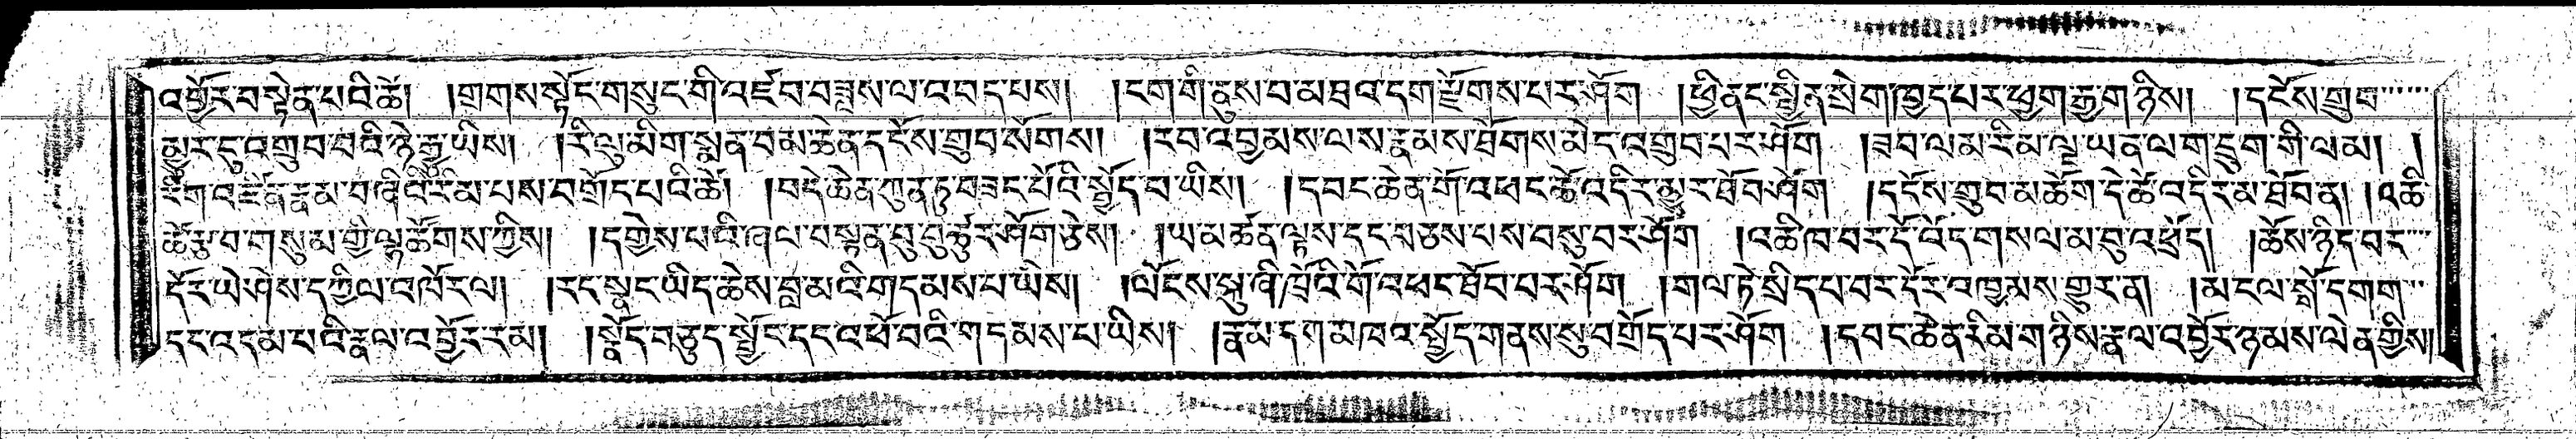འབྱོར་བསྟེན་པའི་ཚེ། །གྲགས་སྟོང་གསུང་གི་འཛབ་བཟླས་ལ་འབད་པས། །ངག་གི་ནུས་པ་མཐའ་དག་རྫོགས་པར་ཤོག །ཕྱི་ནང་སྦྱིན་སྲེག་ཁྱད་པར་ཕྱག་རྒྱ་གཉིས། །དངོས་གྲུབ་
མྱུར་དུ་འགྲུབ་པའི་ཉེ་རྒྱུ་ཡིས། །རི་ལུ་མིག་སྨན་བམ་ཆེན་དངོས་གྲུབ་སོགས། །རབ་འབྱམས་ལས་རྣམས་ཐོགས་མེད་འགྲུབ་པར་ཤོག །ཟབ་ལམ་རིམ་ལྔ་ཡན་ལག་དྲུག་གི་ལམ། །
རིག་འཛིན་རྣམ་བཞིའི་རིམ་པས་བགྲོད་པའི་ཚེ། །བདེ་ཆེན་ཀུན་ཏུ་བཟང་པོའི་སྤྱོད་པ་ཡིས། །དབང་ཆེན་གོ་འཕང་ཚེ་འདིར་མྱུར་ཐོབ་ཤོག །དངོས་གྲུབ་མཆོག་དེ་ཚེ་འདིར་མ་ཐོབ་ན། །འཆི་
ཚེ་རྩ་བ་གསུམ་གྱི་ལྷ་ཚོགས་ཀྱིས། །དགྱེས་པའི་ཞལ་བསྟན་བུ་བུ་ཚུར་ཤོག་ཅེས། །ཡ་མཚན་ལྟས་དང་བཅས་པས་བསུ་བར་ཤོག །འཆི་ཁ་བར་དོ་འོད་གསལ་མ་བུ་འཕྲོད། །ཆོས་ཉིད་བར་
དོར་ཡེ་ཤེས་དཀྱིལ་འཁོར་ལ། །རང་སྣང་ཡིད་ཆེས་བླ་མའི་གདམས་པ་ཡིས། །ལོངས་སྐུ་ཞི་ཁྲོའི་གོ་འཕང་ཐོབ་པར་ཤོག །གལ་ཏེ་སྲིད་པ་བར་དོར་འཁྱམས་གྱུར་ན། །མངལ་སྒོ་དགག་
དང་འདམ་པའི་རྣལ་འབྱོར་རམ། །སྣོད་བཅུད་སྦྱོང་དང་འཕོ་བའི་གདམས་པ་ཡིས། །རྣམ་དག་མཁའ་སྤྱོད་གནས་སུ་བགྲོད་པར་ཤོག །དབང་ཆེན་རིམ་གཉིས་རྣལ་འབྱོར་ཉམས་ལེན་གྱིས།